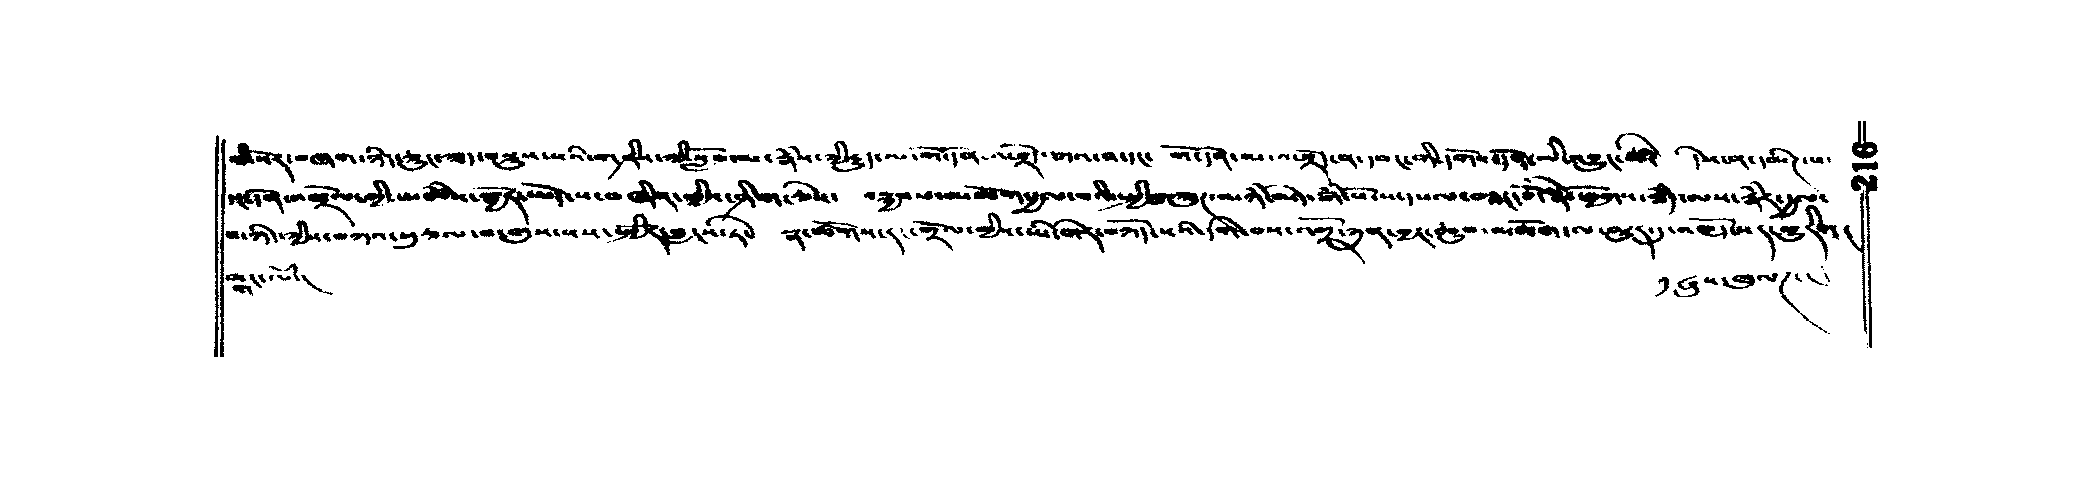གི་སོར་བཞག་ཉིད་ཅུང་ཟར་བསྡུས་པའི་གཤིས་ཀྱི་སློབ་མ་རྣམས་ཀྱི་རྒྱུད་ལ་གོ་དོན་འཕྲོད་དཀའ་བ་དང་། ག་དོན་མ་འཕྲོད་ན་དབང་གི་དགོས་དོན་གྱི་འབྱུང་ཚེ། དེས་ན་དམིགས་པ་
དང་དོན་འཕྲོལ་གྱི་མཚམས་སྦྱོར་ཡོད་པ་བཞིན་གྱིས་ཤིག་ཅེས། ༧སྐྱབས་མཆོག་རྒྱལ་བའི་སྤྱི་གཟུགས་མཉམ་མེད་སྒོམ་པོ་པ་དཔལ་བཟང་པོ་རྡོ་རྗེ་ཕྱོགས་ཐམས་ཅད་ལས་རྣམ་པར་རྒྱལ་
པ་ཉིད་ཀྱི་བཀའ་སྩལ་བ་གུས་པར་སྤྱི་བོར་བླངས་ཏེ། སྣ་ཚོགས་རང་གྲོལ་གྱི་ཡེ་གེར་བཀོད་པའི་དགེ་བས་འགྲོ་ཀུན་བྱང་ཆུབ་མཆོག་ལ་མྱུར་དུ་འཁོར་པར་གྱུར་ཅིག། 
མངྒ་ལཾ།།